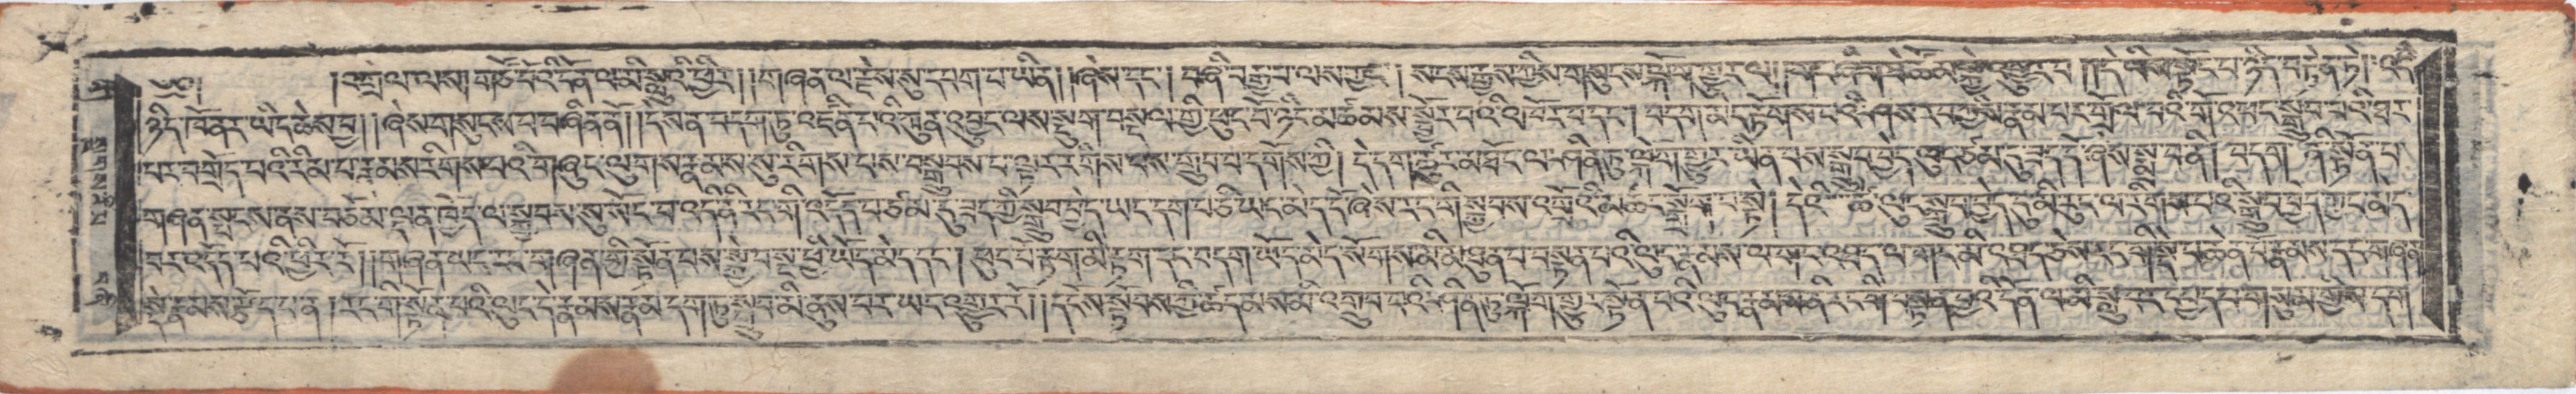༄༅། །འགྲེལ་ལས། གཙོ་བོའི་དོན་ལ་མི་སླུའི་ཕྱིར། །གཞན་ལ་རྗེས་སུ་དཔག་པ་ཡིན། །ཞེས་དང་། བཞི་བརྒྱ་པ་ལས་ཀྱང་། སངས་རྒྱས་ཀྱིས་གསུངས་ལྐོག་གྱུར་ལ། །གང་ཞིག་ཐེ་ཚོམ་སྐྱེ་འགྱུར་བ། །དེ་ཡིས་སྟོང་པ་ཉིད་བརྟེན་ཏེ། །འདི་
ཉིད་ཁོ་ནར་ཡིད་ཆེས་བྱ། །ཞེས་གསུངས་པ་བཞིན་ནོ། །དེས་ན་བདག་ཏུ་འཛིན་པའི་ཀུན་འབྱུང་ལས་སྡུག་བསྔལ་གྱི་ཕུང་པོ་ཉིང་མཚམས་སྦྱོར་བའི་འཁོར་བ་དང་། བདག་མེད་རྟོགས་པའི་ཤེས་རབ་ཀྱིས་རྣམ་པར་གྲོལ་བའི་གོ་འཕང་སྒྲུབ་པའི་ཐར་
པར་བགྲོད་པའི་རིམ་པ་རྣམས་རིགས་པའི་གཞུང་ལུགས་རྣམས་སུ་རིགས་པས་བསྒྲུབས་པ་ལྟར་རིགས་པས་གྲུབ་པ་དགོས་ཀྱི། དེ་དག་ཚུར་མཐོང་ལ་ཤིན་ཏུ་ལྐོག་གྱུར་ཡིན་པས་སྒྲུབ་བྱེད་ལུང་ཙམ་དུ་ཟད་དོ་ཞེས་སྨྲ་བ་ནི། བདག་ནི་སྟོན་པ་
གཞན་སྤངས་ནས་བཅོམ་ལྡན་ཁྱོད་ལ་སྐྱབས་སུ་སོང་བ་འདི་ནི་རང་གི་འདོད་པ་ཙམ་དུ་ཟད་ཀྱི་སྒྲུབ་བྱེད་ཡང་དག་པ་ཅི་ཡང་མེད་དོ་ཞེས་རང་གི་སྐྱབས་འགྲོའི་མཚང་སྒྲོག་པ་སྟེ། དེའི་ཚེ་ལུང་སྒྲུབ་བྱེད་དུ་མི་རུང་ལ་རིགས་པའི་སྒྲུབ་བྱེད་ཀྱང་མེད་
བར་འདོད་པའི་ཕྱིར་རོ། །གཞན་ཡང་རང་གཞན་གྱི་སྟོན་པས་སྐྱེ་བ་སྔ་ཕྱི་ཡོད་མེད་དང་། ཕུང་པོ་རྟག་མི་རྟག་དང་བདག་ཡོད་མེད་སོགས་མི་མཐུན་པ་བསྟན་པའི་ལུང་རྣམས་ལ་གང་འཐད་ལ་གང་མི་འཐད་ཅེས་རང་གི་སྡེ་པ་ཆེན་པོ་རྣམས་དང་གཞན་
སྡེ་རྣམས་རྩོད་པ་ན། རང་གི་སྟོན་པའི་ལུང་དེ་རྣམས་རྣམ་དག་ཏུ་སྒྲུབ་མི་ནུས་པར་ཡང་འགྱུར་རོ། །དངོས་སྟོབས་ཀྱི་ཚད་མས་མི་འགྲུབ་པའི་ཤིན་ཏུ་ལྐོག་གྱུར་སྟོན་པའི་ལུང་རྣམས་ནི་རང་གི་བསྟན་བྱའི་དོན་ལ་མི་སླུ་བར་དཔྱད་པ་གསུམ་གྱིས་དག་